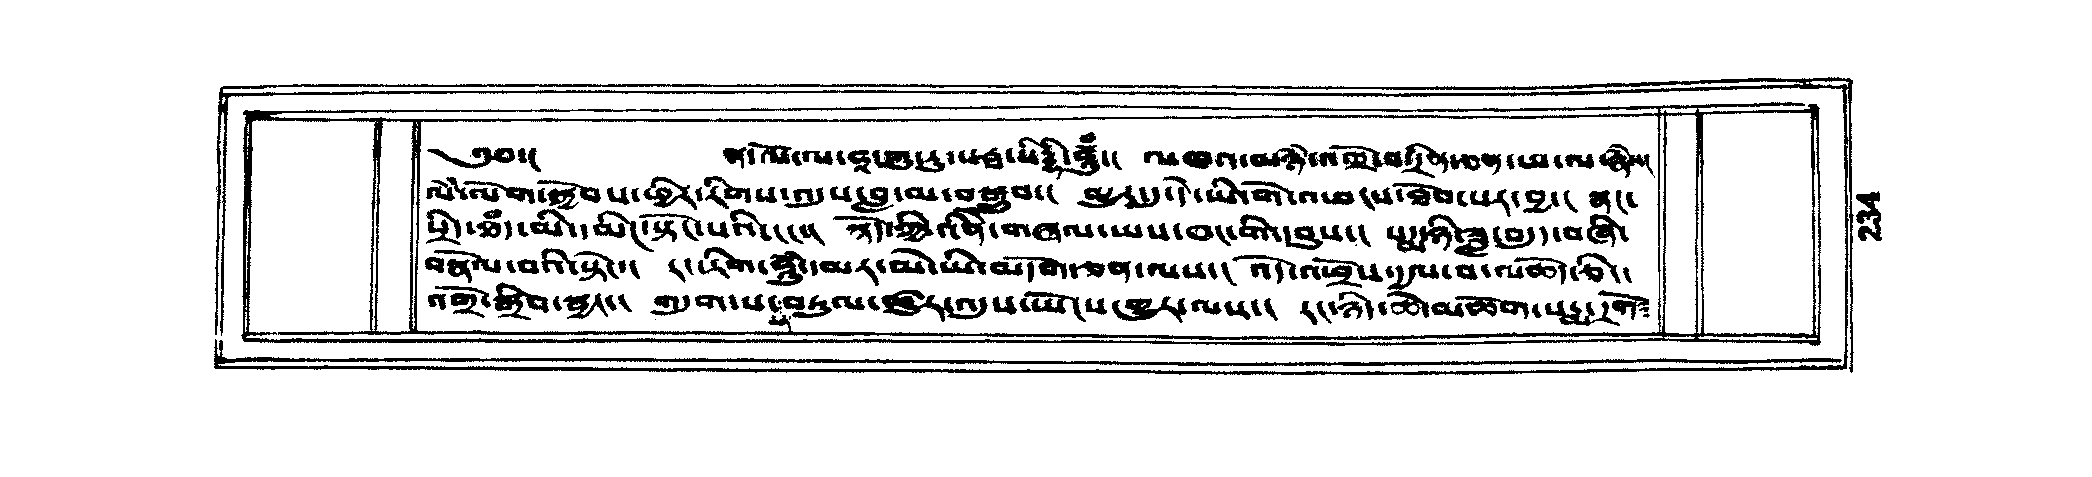ན་མོ་མ་ཧཱ་གུ་རུ་སརྦ་སིདྡྷི་ཧཱུྂ། མཁའ་མཉམ་འགྲོ་བ་དྲིན་ཅན་ཕ་མ་རྣམས། །
ལམ་ལོག་སྐྱོབས་ཕྱིར་རིགས་འདུས་བླ་མ་བསྒྲུབ། །མྱུར་དུ་དེ་ཡི་གོ་འཕང་ཐོབ་པར་བྱ། །སྣང་
སྲིད་ཐམས་ཅད་མི་དམིགས་སྟོང་པའི་ངང་། །སྣོད་ཀྱི་འཇིག་རྟེན་གཞལ་ཡས་ཁང་གི་དབུས། །པདྨ་ཉི་ཟླ་བདུད་བཞི་
བསྣོལ་བའི་སྟེང་། །རང་རིག་ཧཱུྃ་དམར་མེ་ཡི་མདོག་ཅན་ལས། །འོད་འཕྲོས་རྒྱལ་བ་མཆོད་ཅིང་
འགྲོ་སྒྲིབ་སྦྱང་། །གདུག་པ་ཅན་བཏུལ་ཚུར་འདུས་ཡོངས་གྱུར་ལས། །རང་ཉིད་ཆེ་མཆོག་པདྨ་དྲག་པོ་